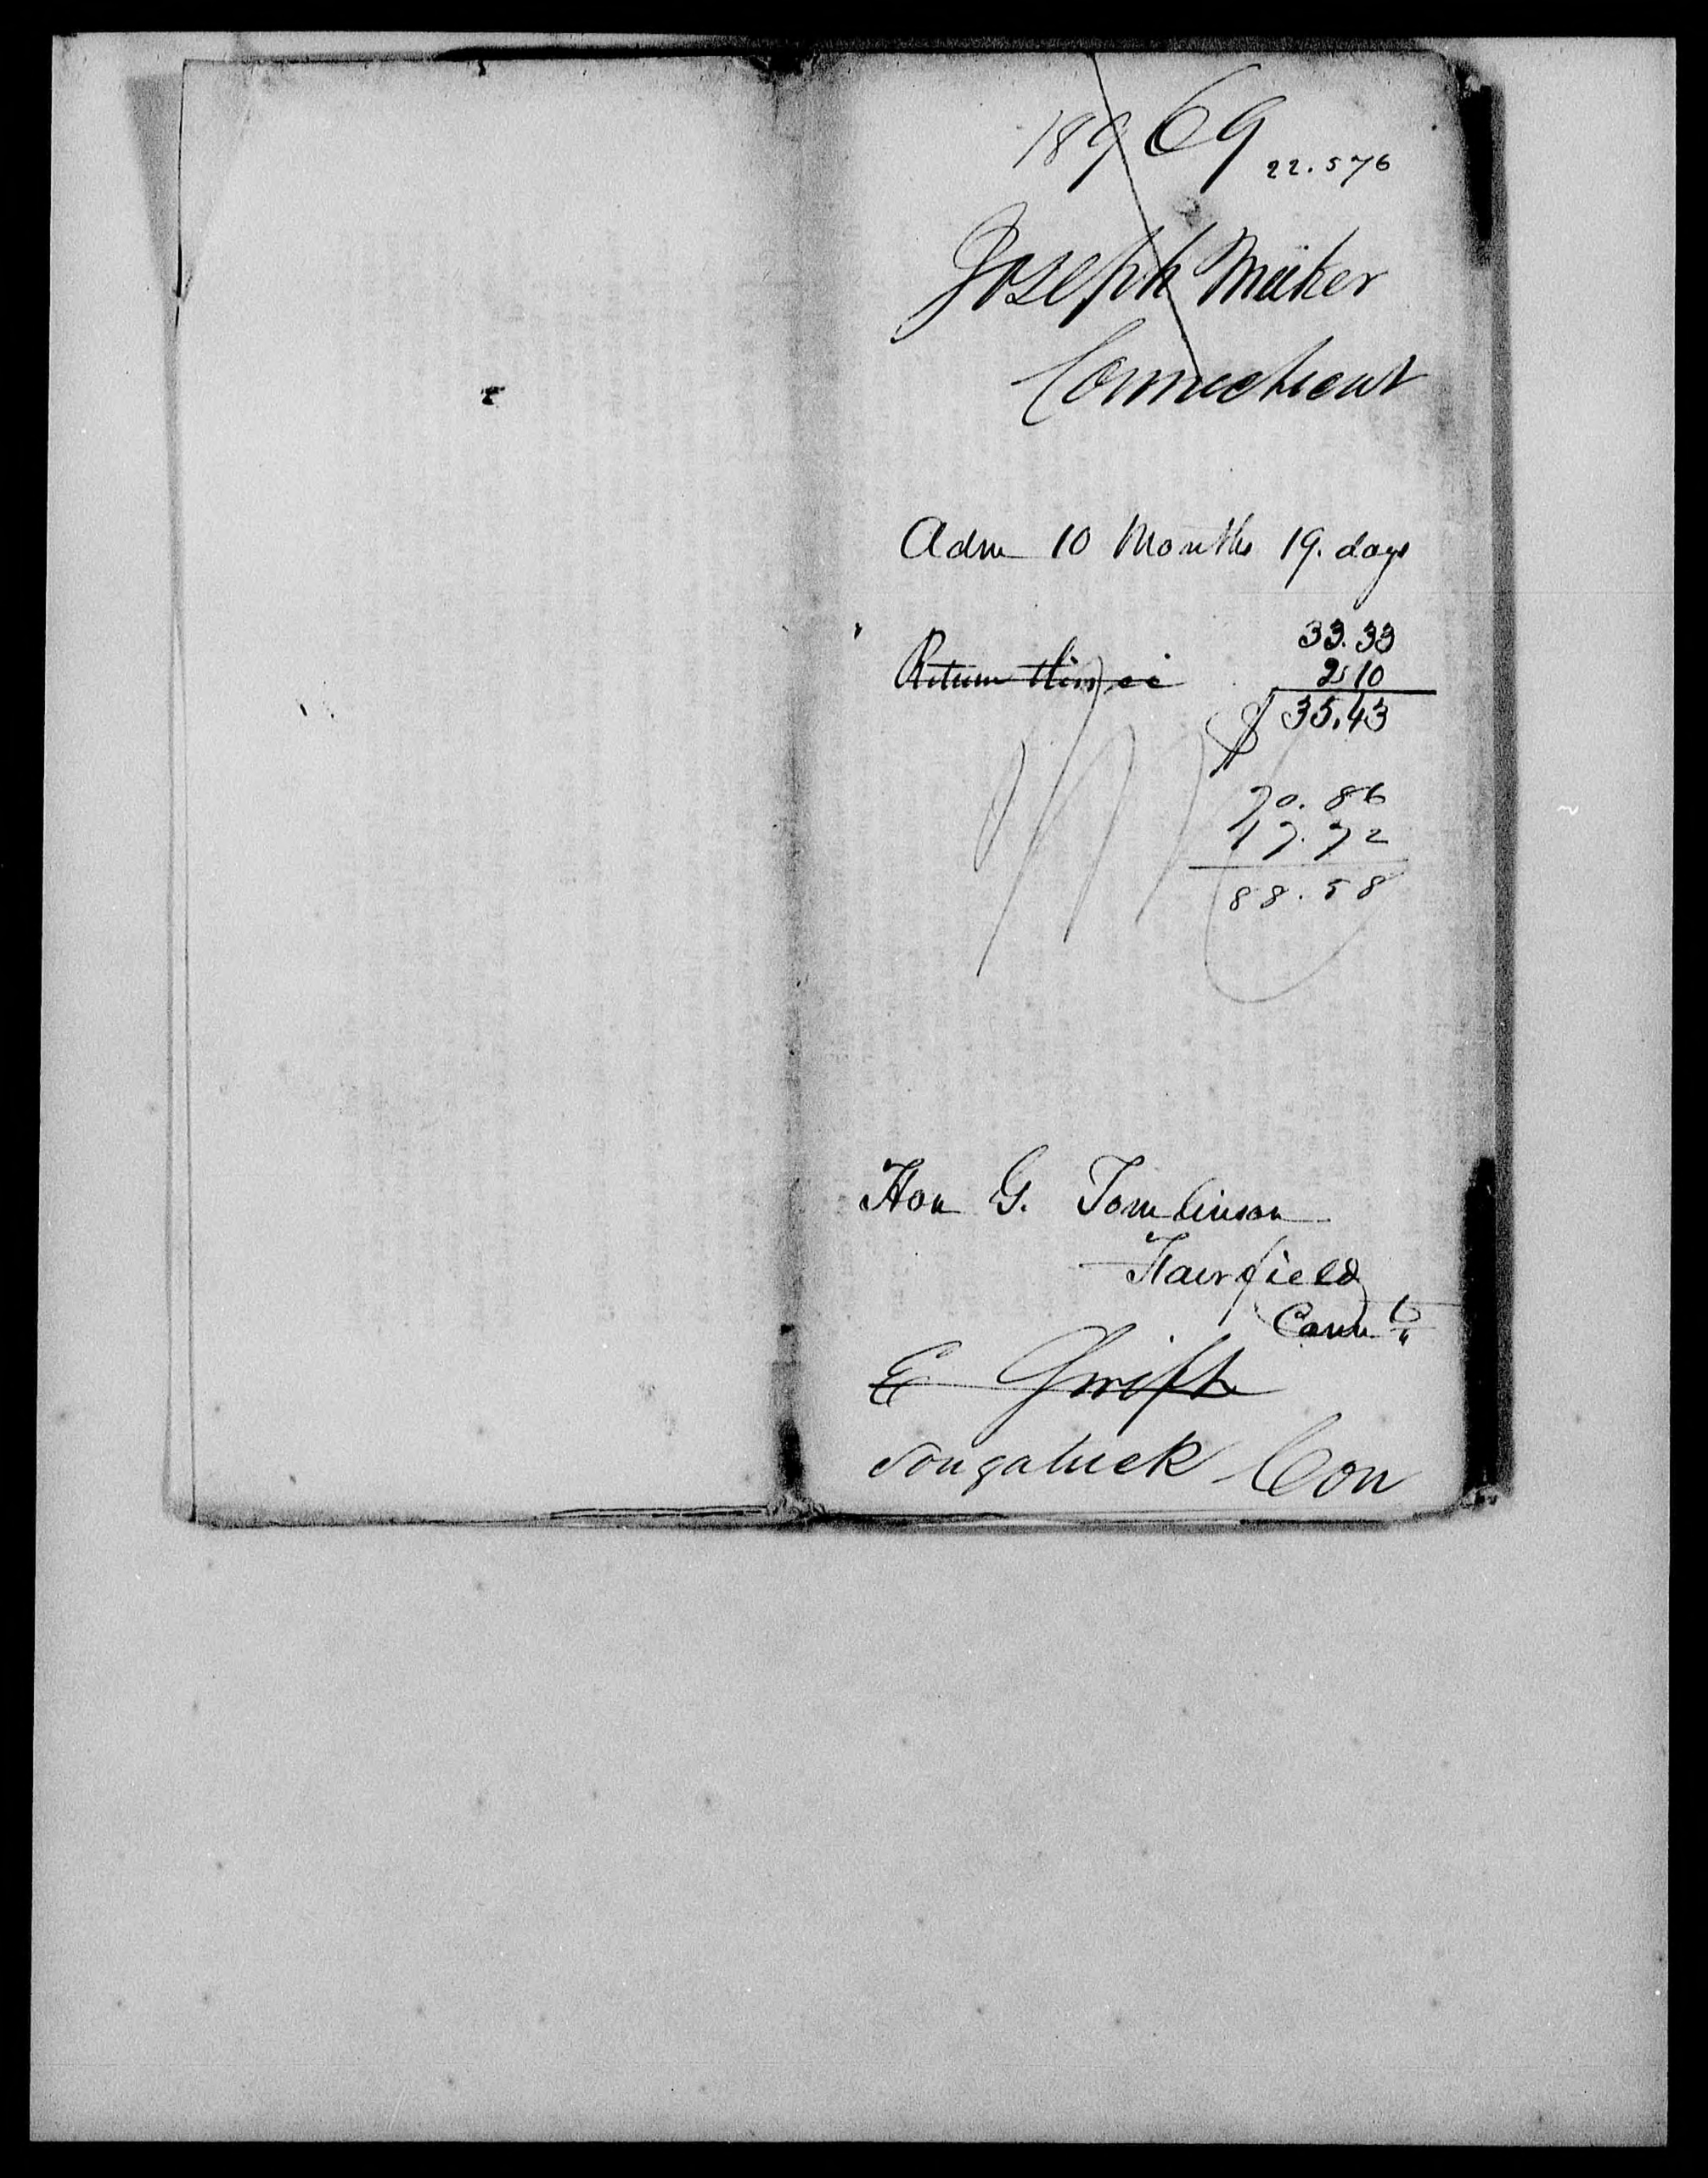18969 [crossed out]              22,576

      Joseph Meeker
         Connecticut

Adm 10 Months 19.days

                                                  33.33
 [Three words crossed out]         2.10
                                                _______
                                               $ 35.43

                                                  70.86
                                                  17.72
                                                _______
                                               $ 88.58


                        Hon. G. Tomlinson
                                           Fairfield
                                               Connt

E.G. Smith [crossed out]
Saugatuck, Con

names: G Tomlinson; E Swift; Joseph Meeker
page: 16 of 22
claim: survivor's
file: S. 15,517, for Joseph Meeker, Connecticut